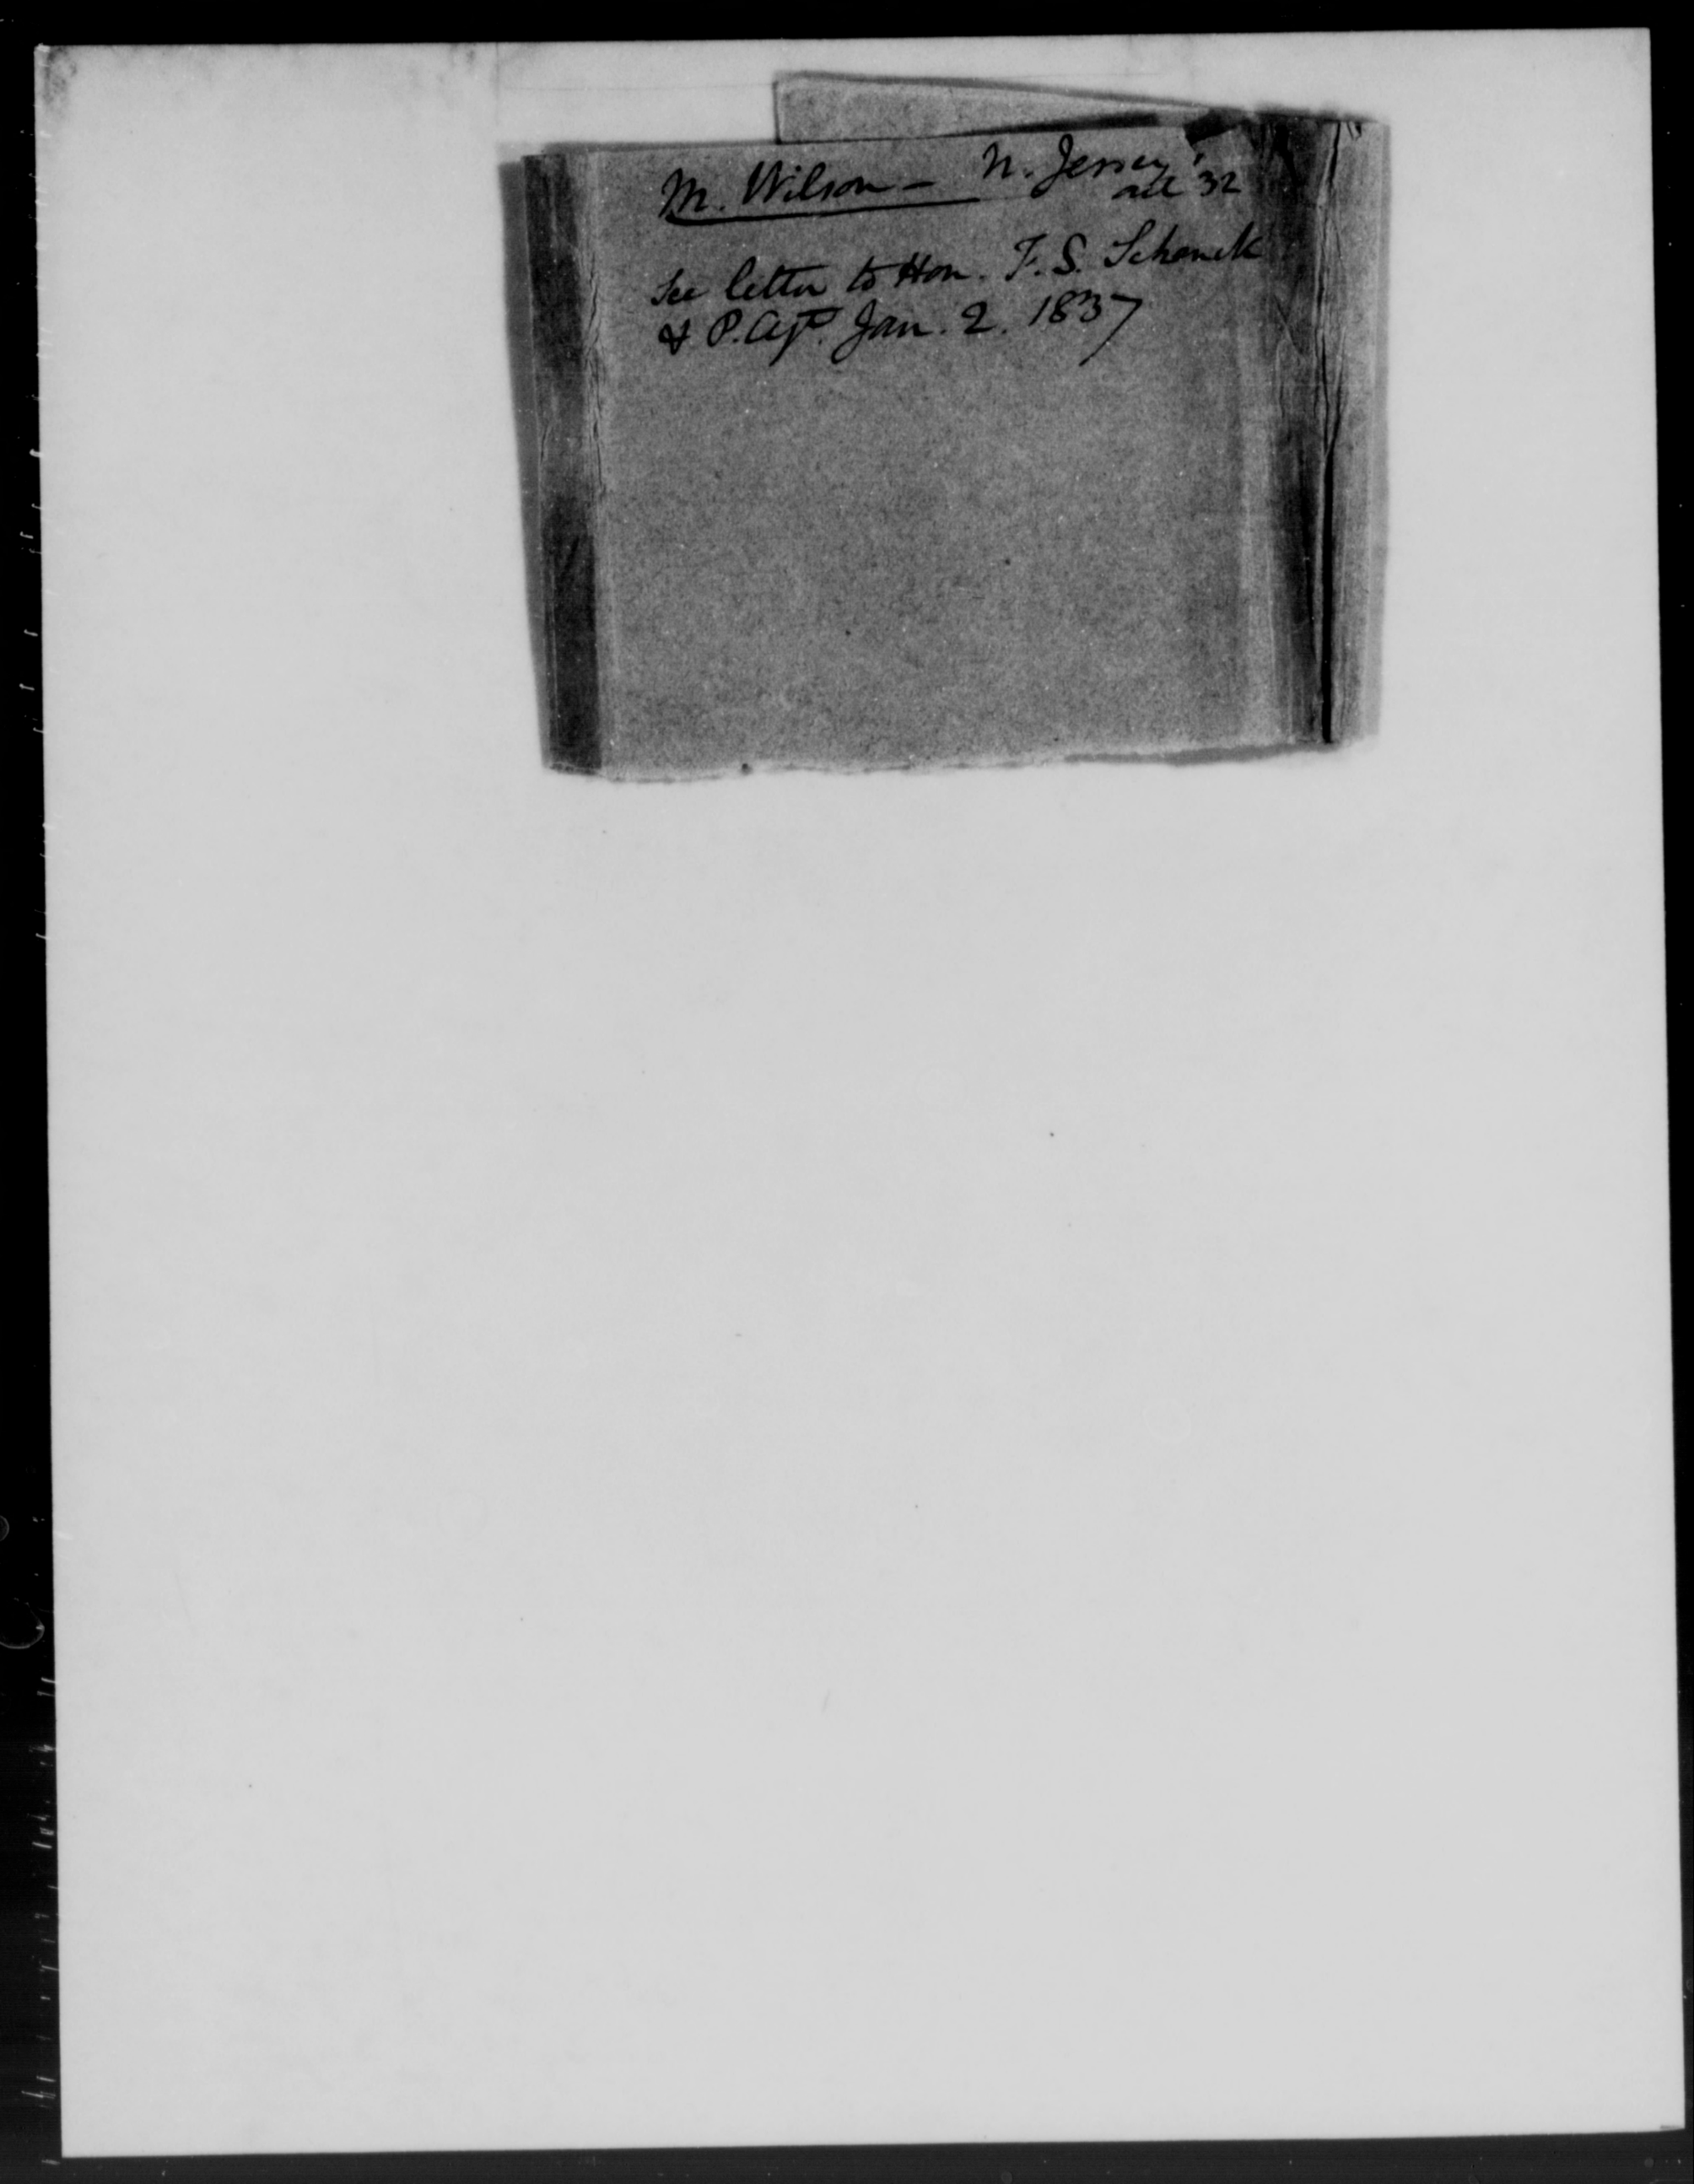M. Wilson - N. Jersey act '32
See letter to Hon. F. S. Schenck
& P. Ag't Jan. 2, 1837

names: M Wilson, F S Schenck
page: 15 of 40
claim: survivor's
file: S. 3564, Mindart Wilson, New Jersey